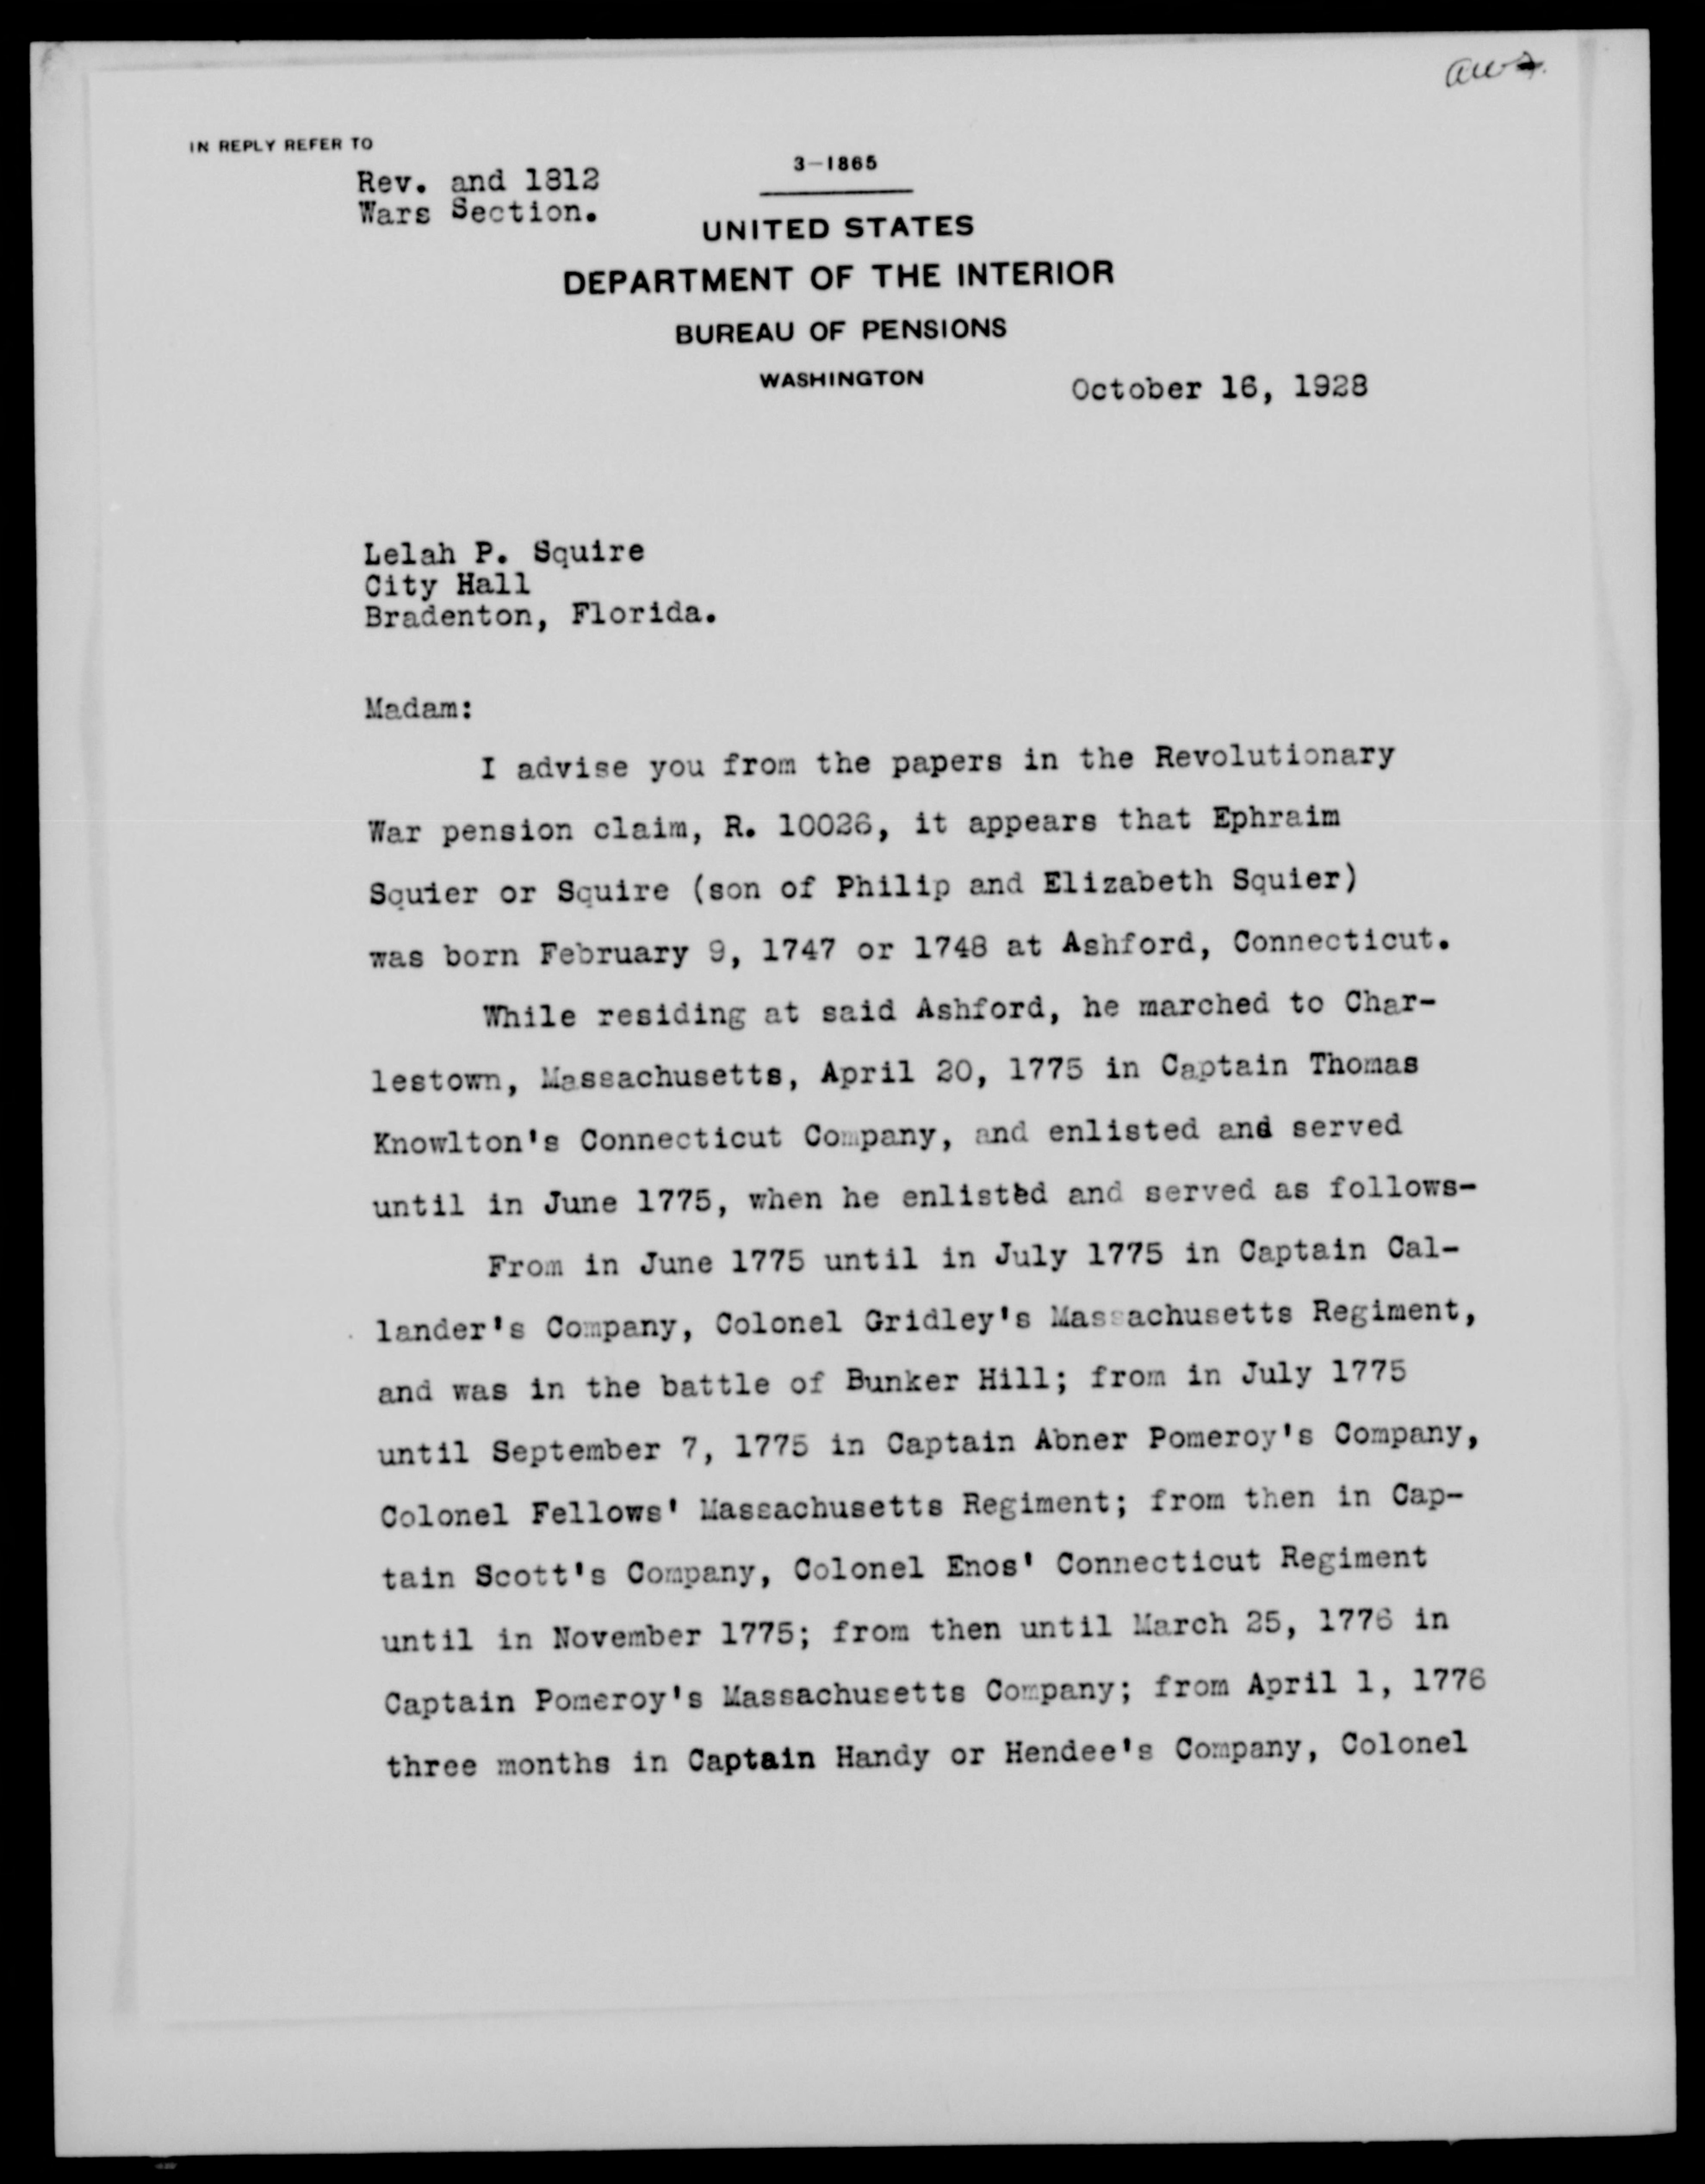In Reply Refer to 
Rev. and 1812 
Wars Section

3-1865
United States 
Department of the Interior
Bureau of Pensions
Washington 
October 16, 1928

Lelah P. Squire
City Hall
Bradenton, Florida.

Madam: 
I advise you from the papers in the Revolutionary War pension claim, R. 10026, it appears that Ephraim Squier or Squire (son of Philip and Elizabeth Squier) was born February 9, 1747 or 1748 at Ashford, Connecticut. 
While residing at said Ashford, he marched to Charlestown, Massachusetts, April 20, 1775 in Captain Thomas Knowlton's Connecticut Company, and enlisted and served until in June 1775, when he enlisted and served as follows-
From in June 1775 until July 1775 in Captain Callender's Company, Colonel Gridley's Massachusetts Regiment, and was in the battle of Bunker Hill; from in July 1775 until September 7, 1775 in Captain Abner Pomeroy's Company, Colonel Fellows' Massachusetts Regiment; from then in Captain Scott's Company, Colonel Enos' Connecticut Regiment until in November 1775; from then until March 25, 1776 in Captain Pomeroy's Massachusetts Company; from April 1, 1776 three months in Captain Handy or Hendee's Company, Colonel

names: Philip Squier; Ephraim Squier; Elizabeth Squier; Ephraim Squire; Lelah P Squire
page: 20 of 70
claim: rejected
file: R. 10,026, for Ephraim Squier, Connecticut